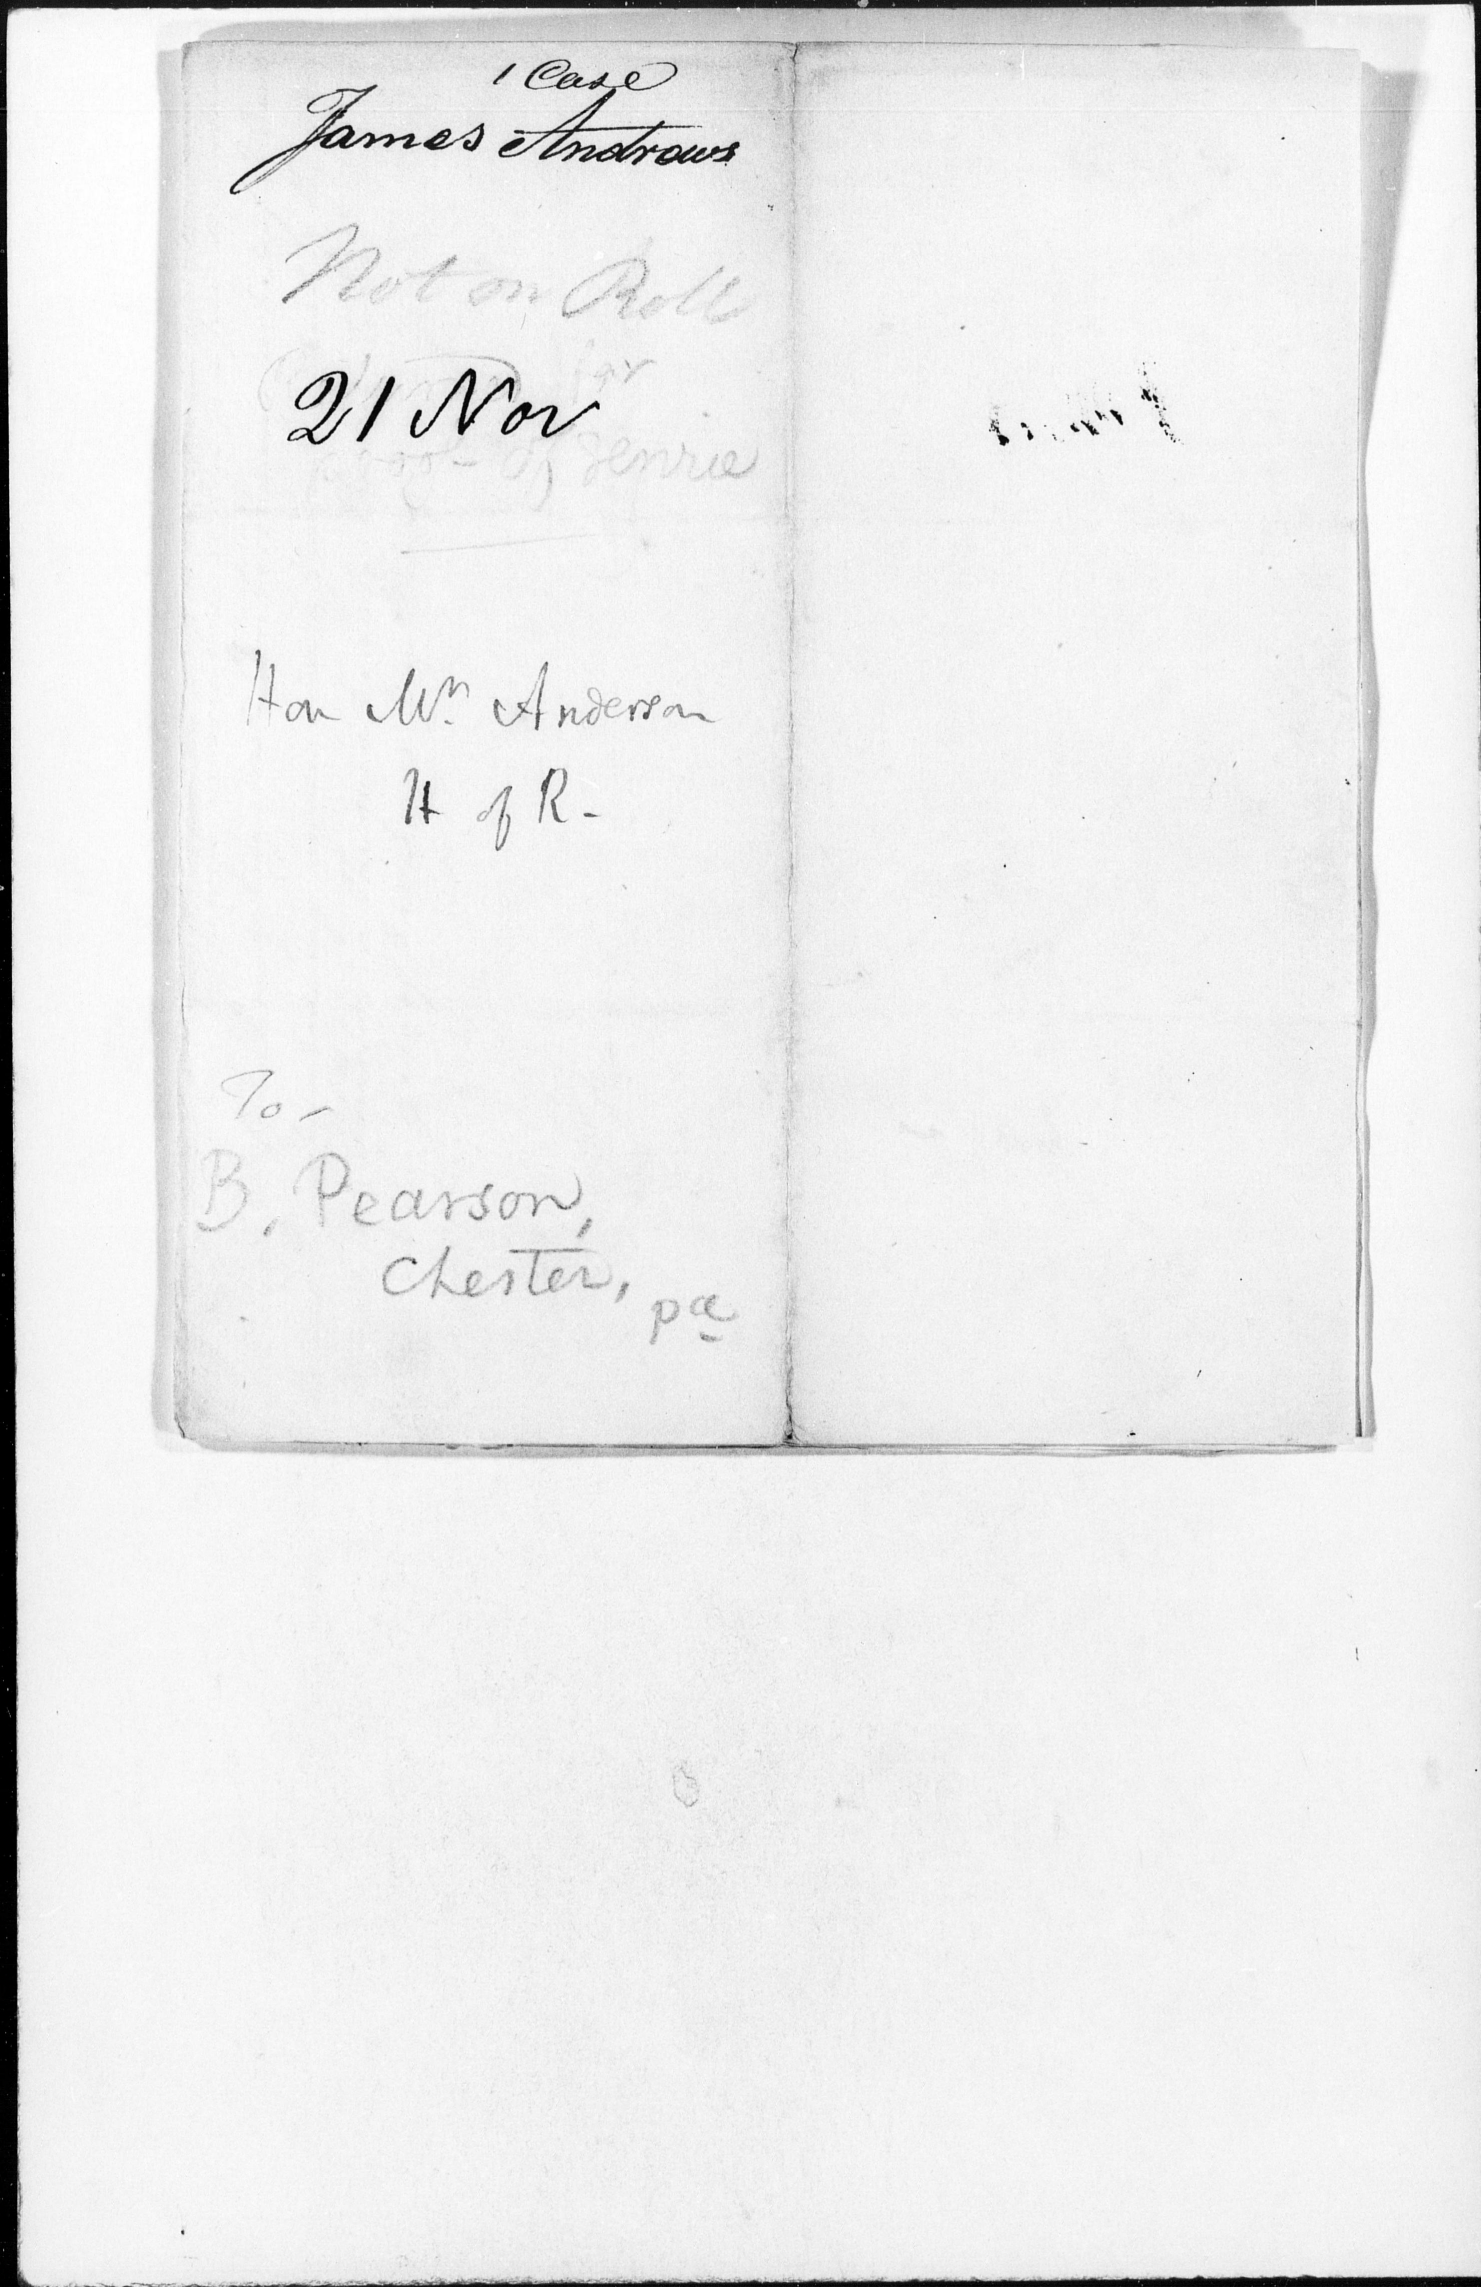1 Case


James Andrews

Not on Roll

21 Nov

Hon Wm Anderson

H of R

To
B. Pearson  Chester, Pa.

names: B Pearson, Wn Anderson, James Andrews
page: 3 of 9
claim: survivor's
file: S. 39934, James Andrews, New Jersey